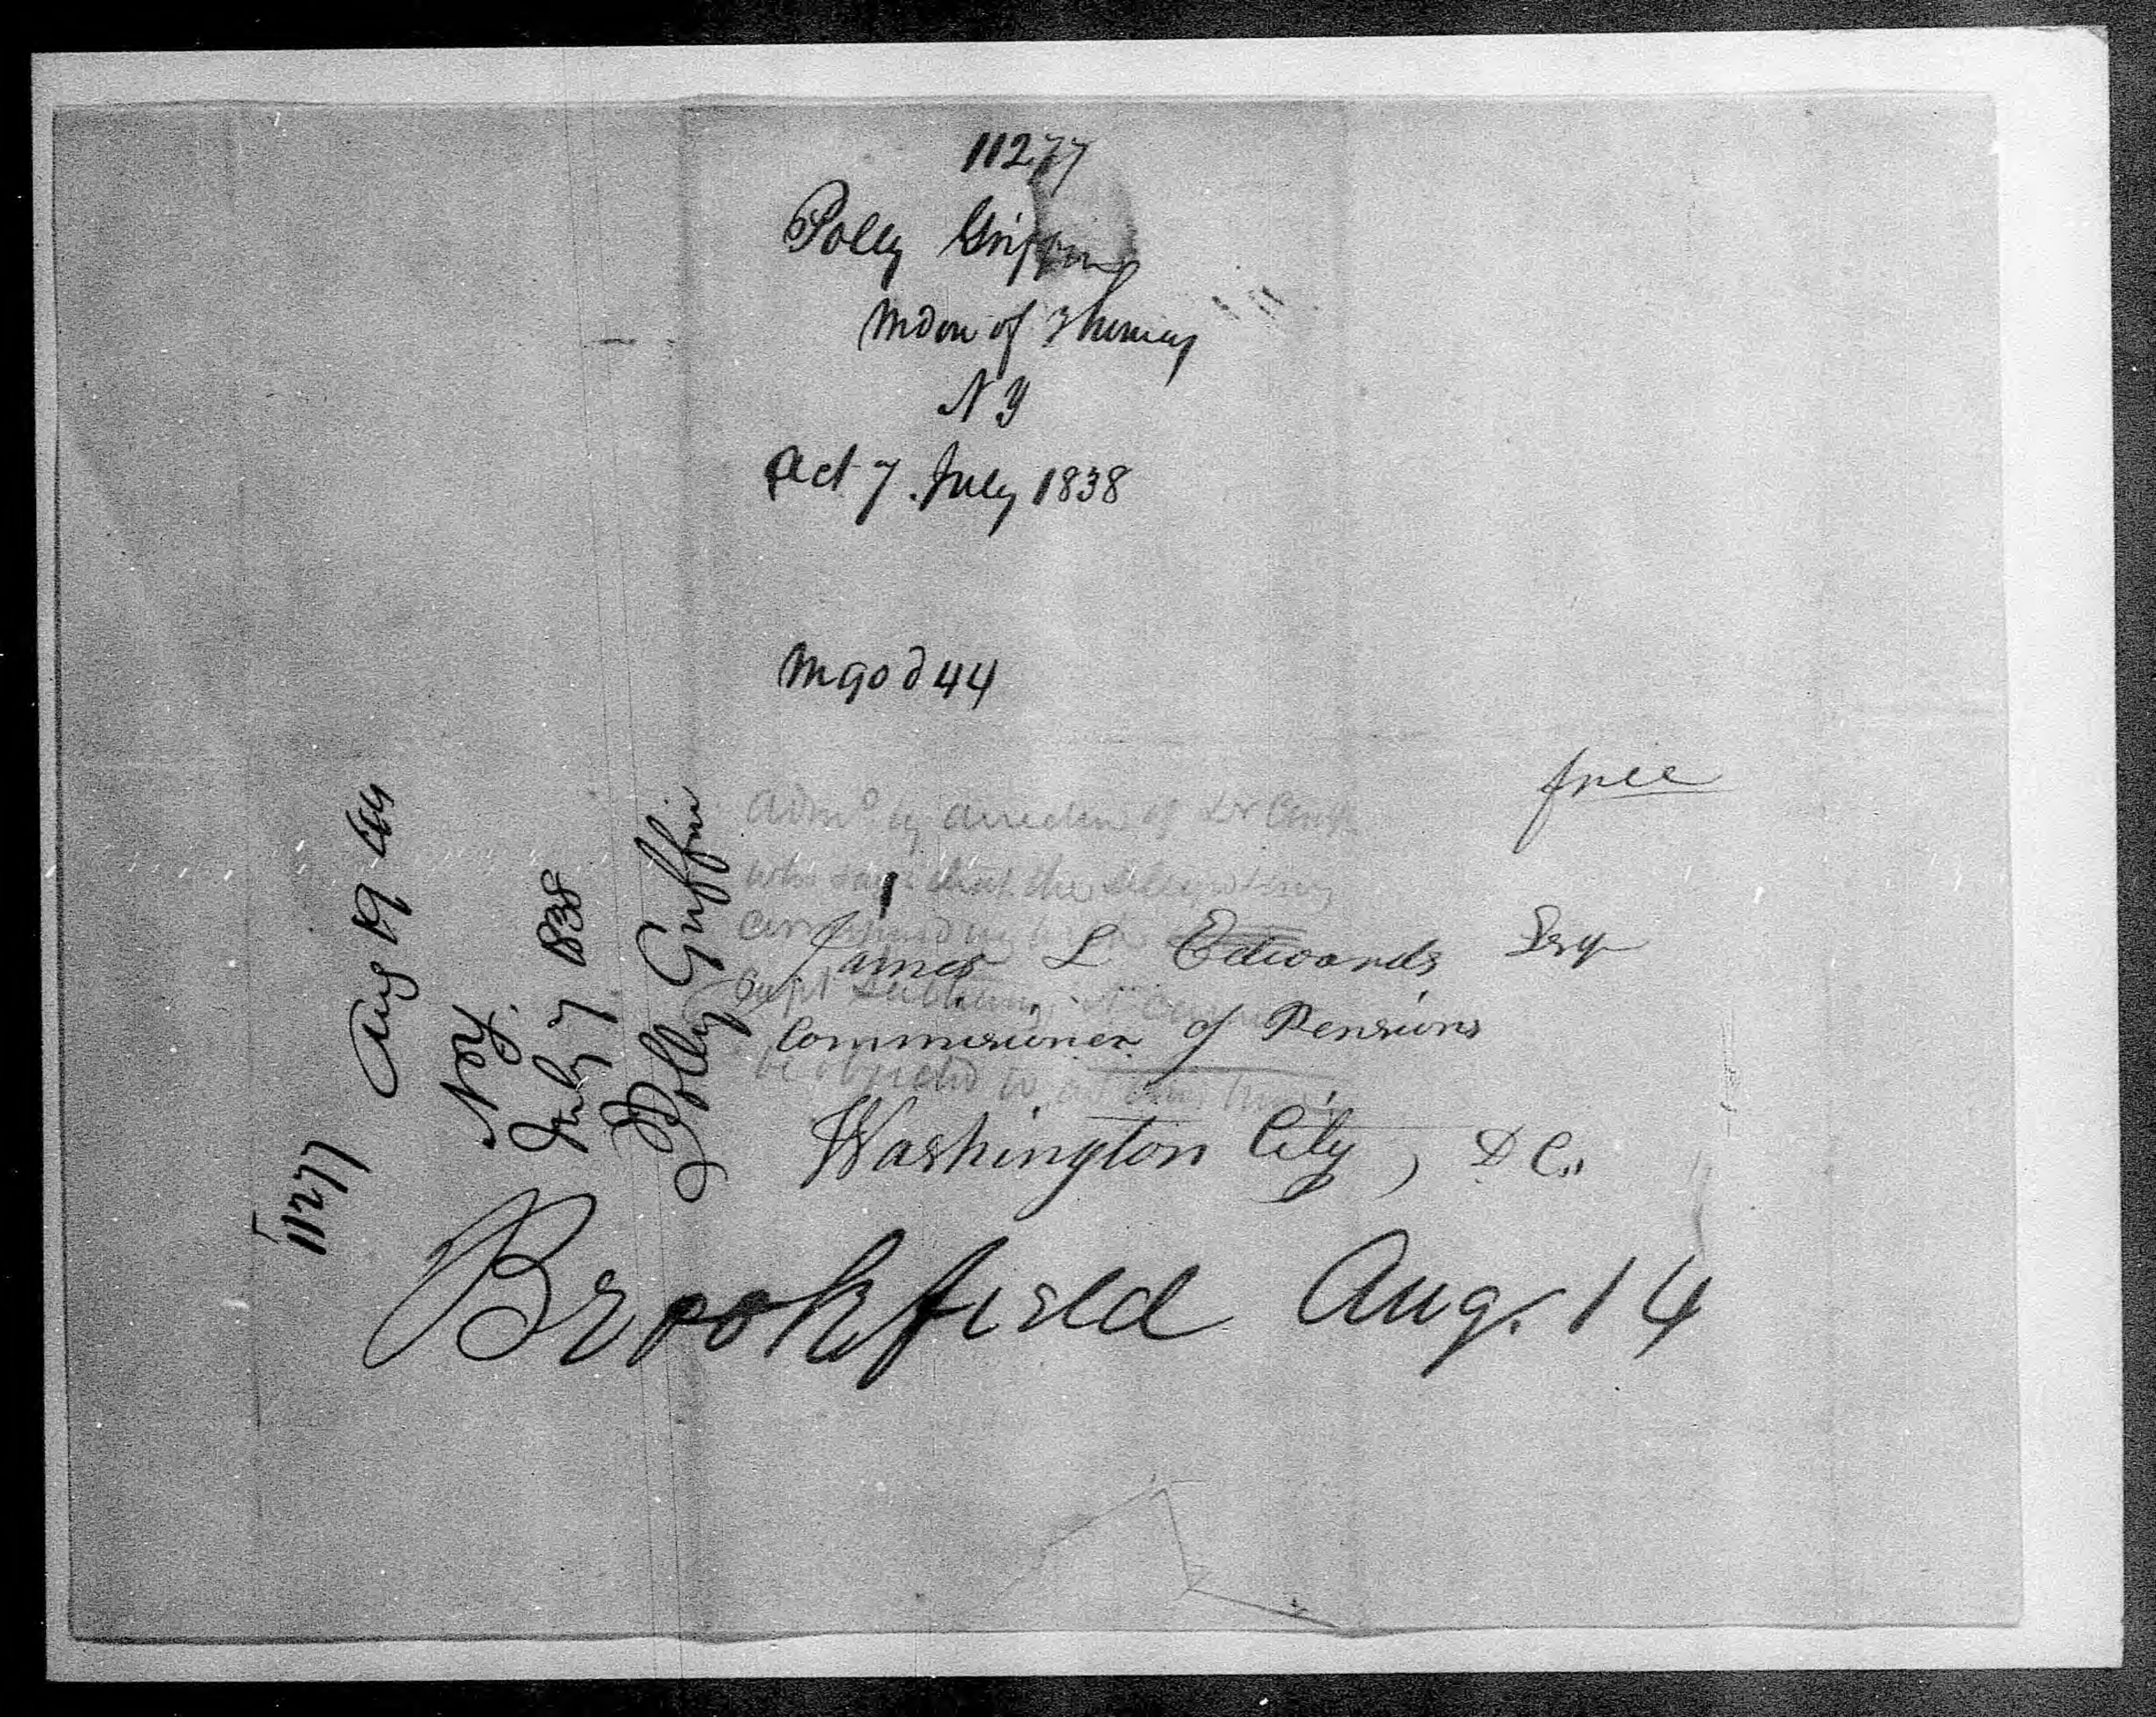11277
Polly Griffin
Widow of Thomas
NY
Act 7 July 1838
Mgod 44
free
James L Edwards Esqr
Commisioner of Pensions
Washington City, D. C.
Brookfield Aug. 14

11277 Aug 19 44
NY
July 7 1838
Polly Griffin

[in pencil, in background] Admd. by direction of Dr Croft who says that the [illegible] commanded by [illegible] Capt [illegible] be objected to at the time.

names: Thomas Griffin, Sullivan, Polly Griffin, Polly Griffin, James L Edwards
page: 30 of 60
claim: widow's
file: W. 19,537, Thomas Griffin, Conn.